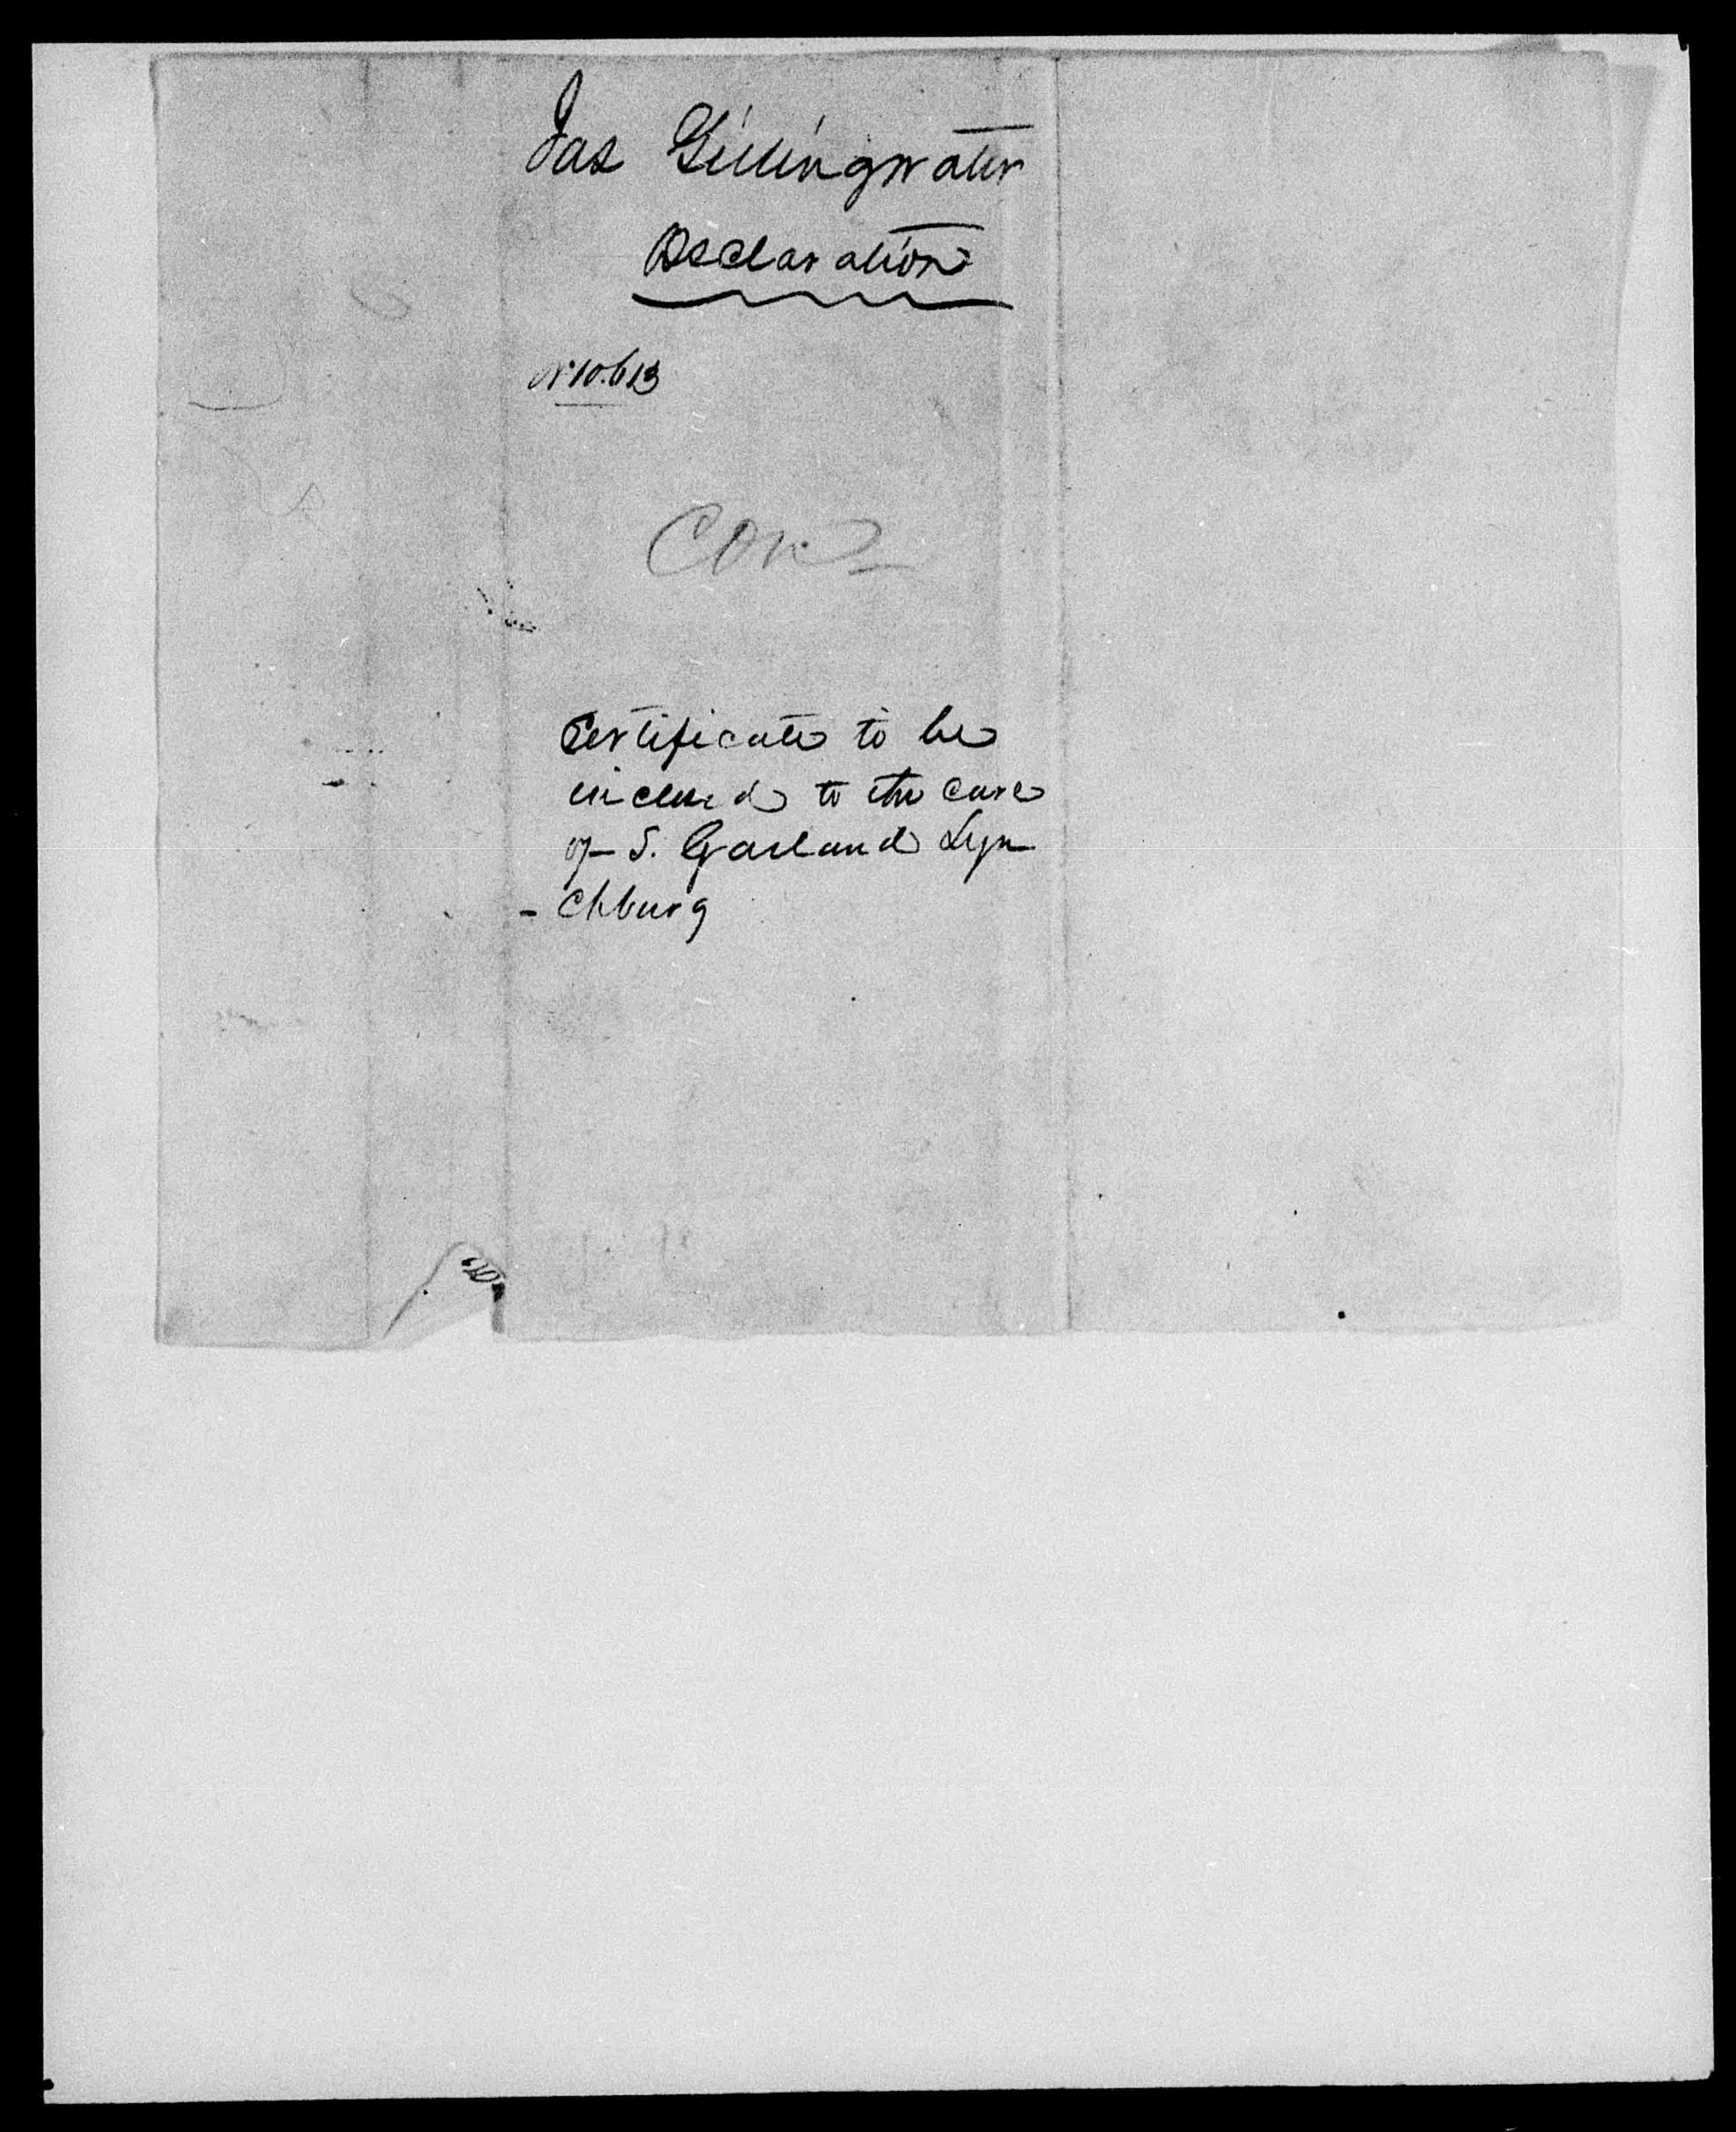Jas Gillingwater

Declaration [Underlined]

[Illegible]10613

Con

Certificate to be viewed to the care of S. Garland Lynchburg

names: Jas Gillingwater, S Garland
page: 4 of 36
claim: survivor's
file: S. 39570, James Gillingwater, Va.